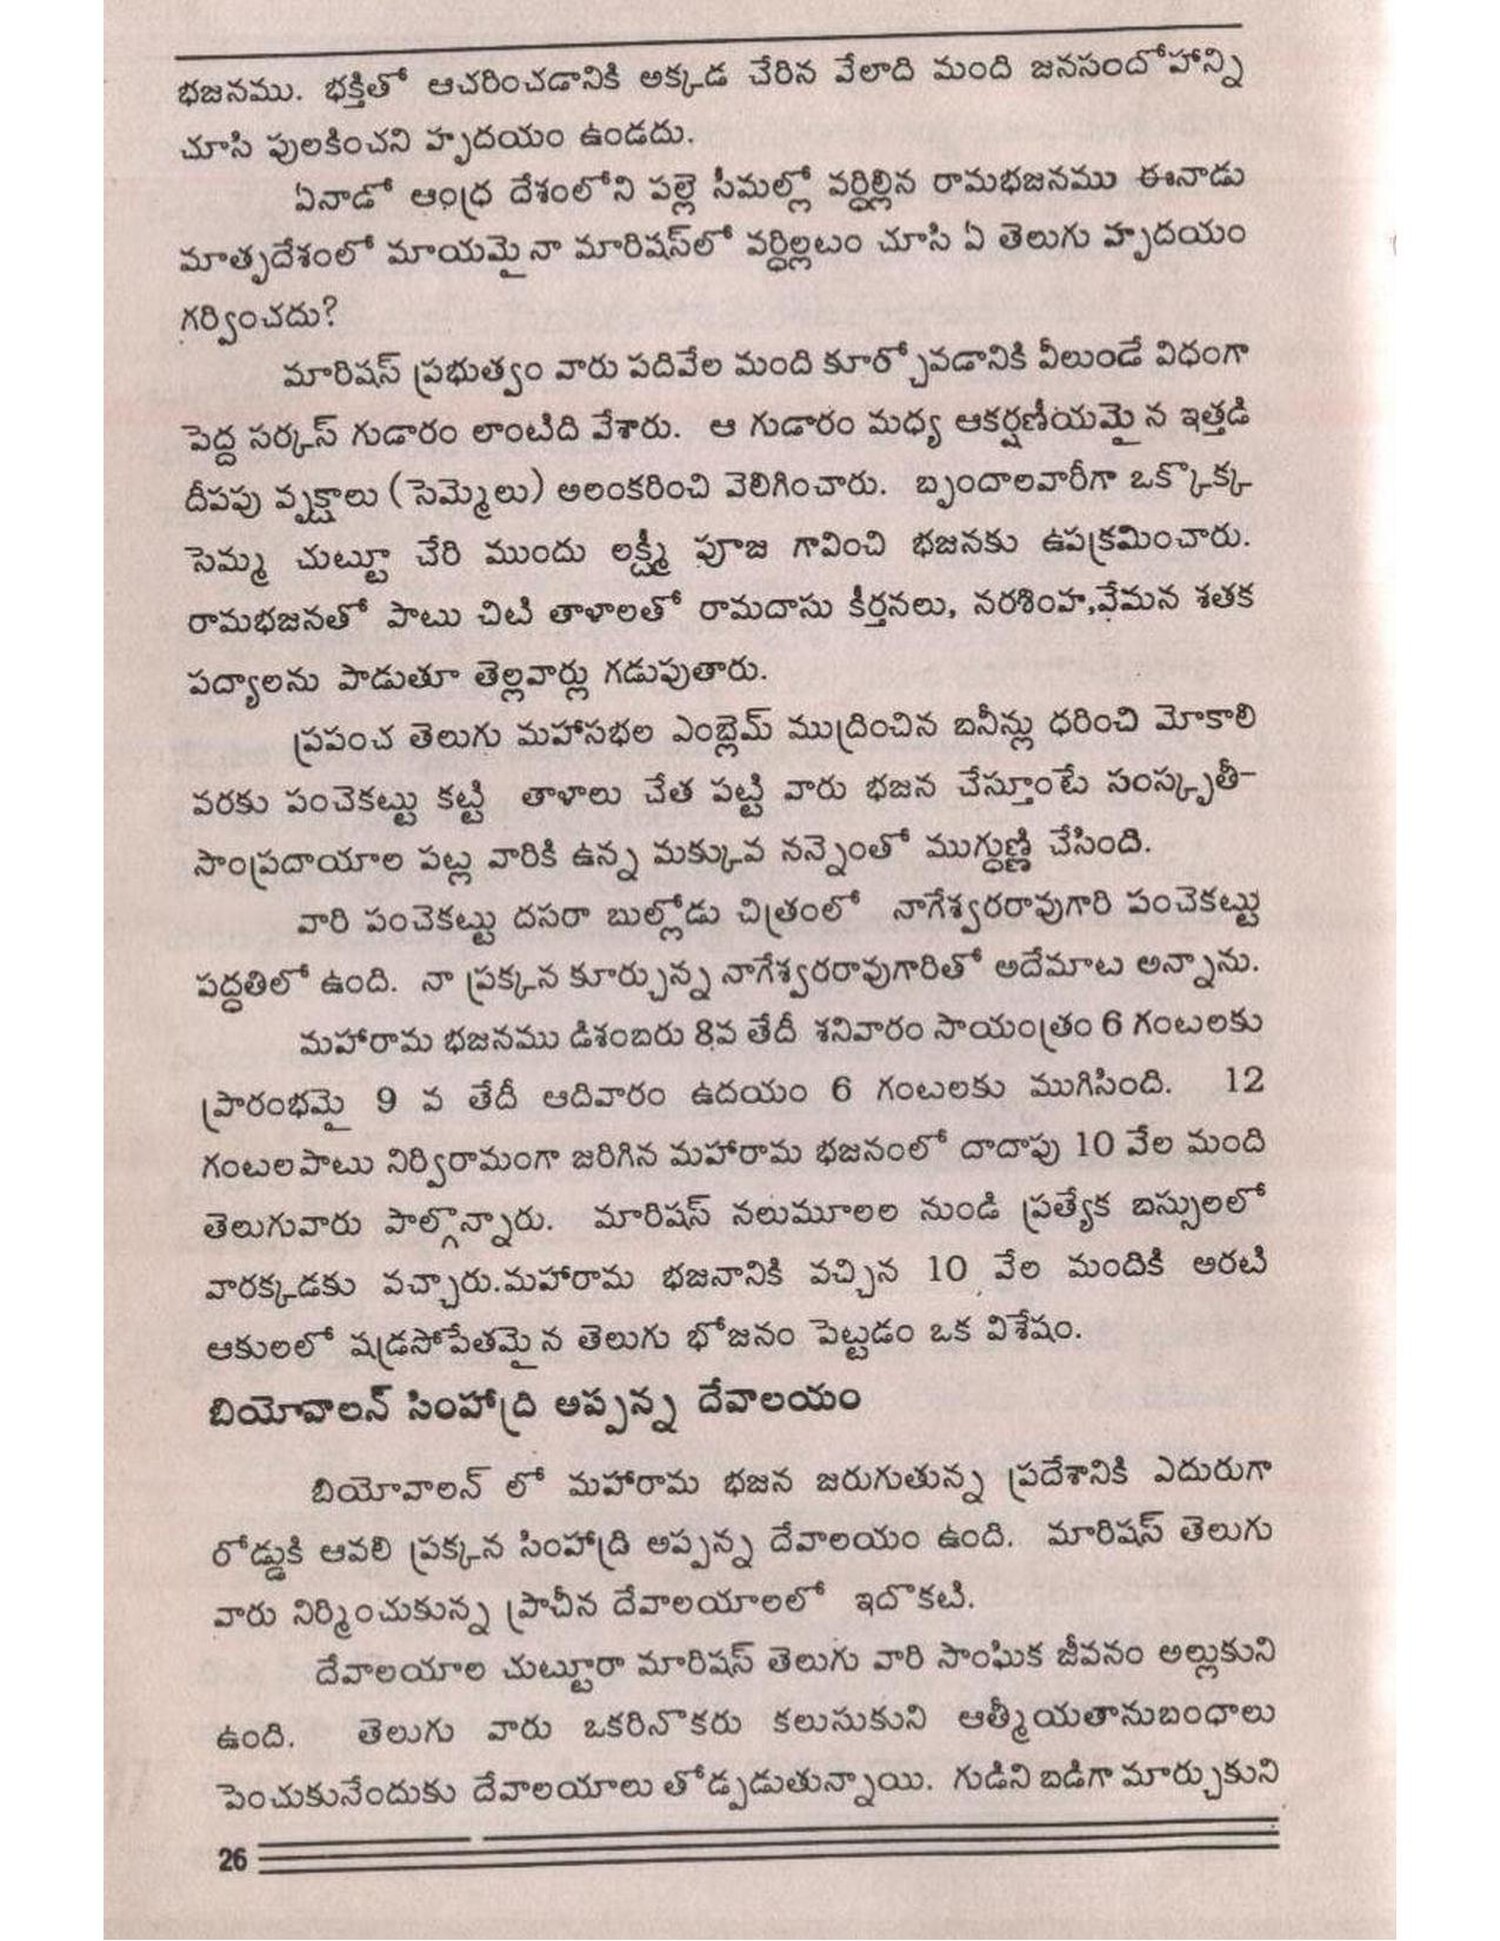భజనము. భక్తితో ఆచరించడానికి అక్కడ చేరిన వేలాది మంది జనసందోహాన్ని చూసి పులకించని హృదయం ఉండదు.

ఏనాడో ఆంధ్ర దేశంలోని పల్లె సీమల్లో వర్ధిల్లిన రామభజనము ఈనాడు మాతృదేశంలో మాయమైనా మారిషస్‌లో వర్ధిల్లటం చూసి ఏ తెలుగు హృదయం గర్వించదు?

మారిషస్ ప్రభుత్వం వారు పదివేల మంది కూర్చోవడానికి వీలుండే విధంగా పెద్ద సర్కస్ గుడారం లాంటిది వేశారు. ఆ గుడారం మధ్య ఆకర్షణీయమైన ఇత్తడి దీపపు వృక్షాలు (సెమ్మెలు) అలంకరించి వెలిగించారు. బృందాలవారీగా ఒక్కొక్క సెమ్మ చుట్టూ చేరి ముందు లక్ష్మీ పూజ గావించి భజనకు ఉపక్రమించారు. రామభజనతో పాటు చిటి తాళాలతో రామదాసు కీర్తనలు, నరశింహ, వేమన శతక పద్యాలను పాడుతూ తెల్లవార్లు గడుపుతారు.

ప్రపంచ తెలుగు మహాసభల ఎంబ్లెమ్ ముద్రించిన బనీన్లు ధరించి మోకాలి వరకు పంచెకట్టు కట్టి తాళాలు చేత పట్టి వారు భజన చేస్తూంటే సంస్కృతీసాంప్రదాయాల పట్ల వారికి ఉన్న మక్కువ నన్నెంతో ముగ్ధుణ్ణి చేసింది.

వారి పంచెకట్టు దసరా బుల్లోడు చిత్రంలో నాగేశ్వరరావుగారి పంచెకట్టు పద్దతిలో ఉంది. నా ప్రక్కన కూర్చున్న నాగేశ్వరరావుగారితో అదేమాట అన్నాను. 

మహారామ భజనము డిశంబరు 8వ తేదీ శనివారం సాయంత్రం 6 గంటలకు ప్రారంభమై 9 వ తేదీ ఆదివారం ఉదయం 6 గంటలకు ముగిసింది. 12 గంటలపాటు నిర్విరామంగా జరిగిన మహారామ భజనంలో దాదాపు 10 వేల మంది తెలుగువారు పాల్గొన్నారు. మారిషస్ నలుమూలల నుండి ప్రత్యేక బస్సులలో వారక్కడకు వచ్చారు. మహారామ భజనానికి వచ్చిన 10 వేల మందికి అరటి ఆకులలో షడ్రసోపేతమైన తెలుగు భోజనం పెట్టడం ఒక విశేషం.

బియోవాలన్ సింహాద్రి అప్పన్న దేవాలయం

బియోవాలన్ లో మహారామ భజన జరుగుతున్న ప్రదేశానికి ఎదురుగా రోడ్డుకి ఆవలి ప్రక్కన సింహాద్రి అప్పన్న దేవాలయం ఉంది. మారిషస్ తెలుగు వారు నిర్మించుకున్న ప్రాచీన దేవాలయాలలో ఇదొకటి.

దేవాలయాల చుట్టూరా మారిషస్ తెలుగు వారి సాంఘిక జీవనం అల్లుకుని ఉంది. తెలుగు వారు ఒకరినొకరు కలుసుకుని ఆత్మీయతానుబంధాలు పెంచుకునేందుకు దేవాలయాలు తోడ్పడుతున్నాయి. గుడిని బడిగా మార్చుకుని